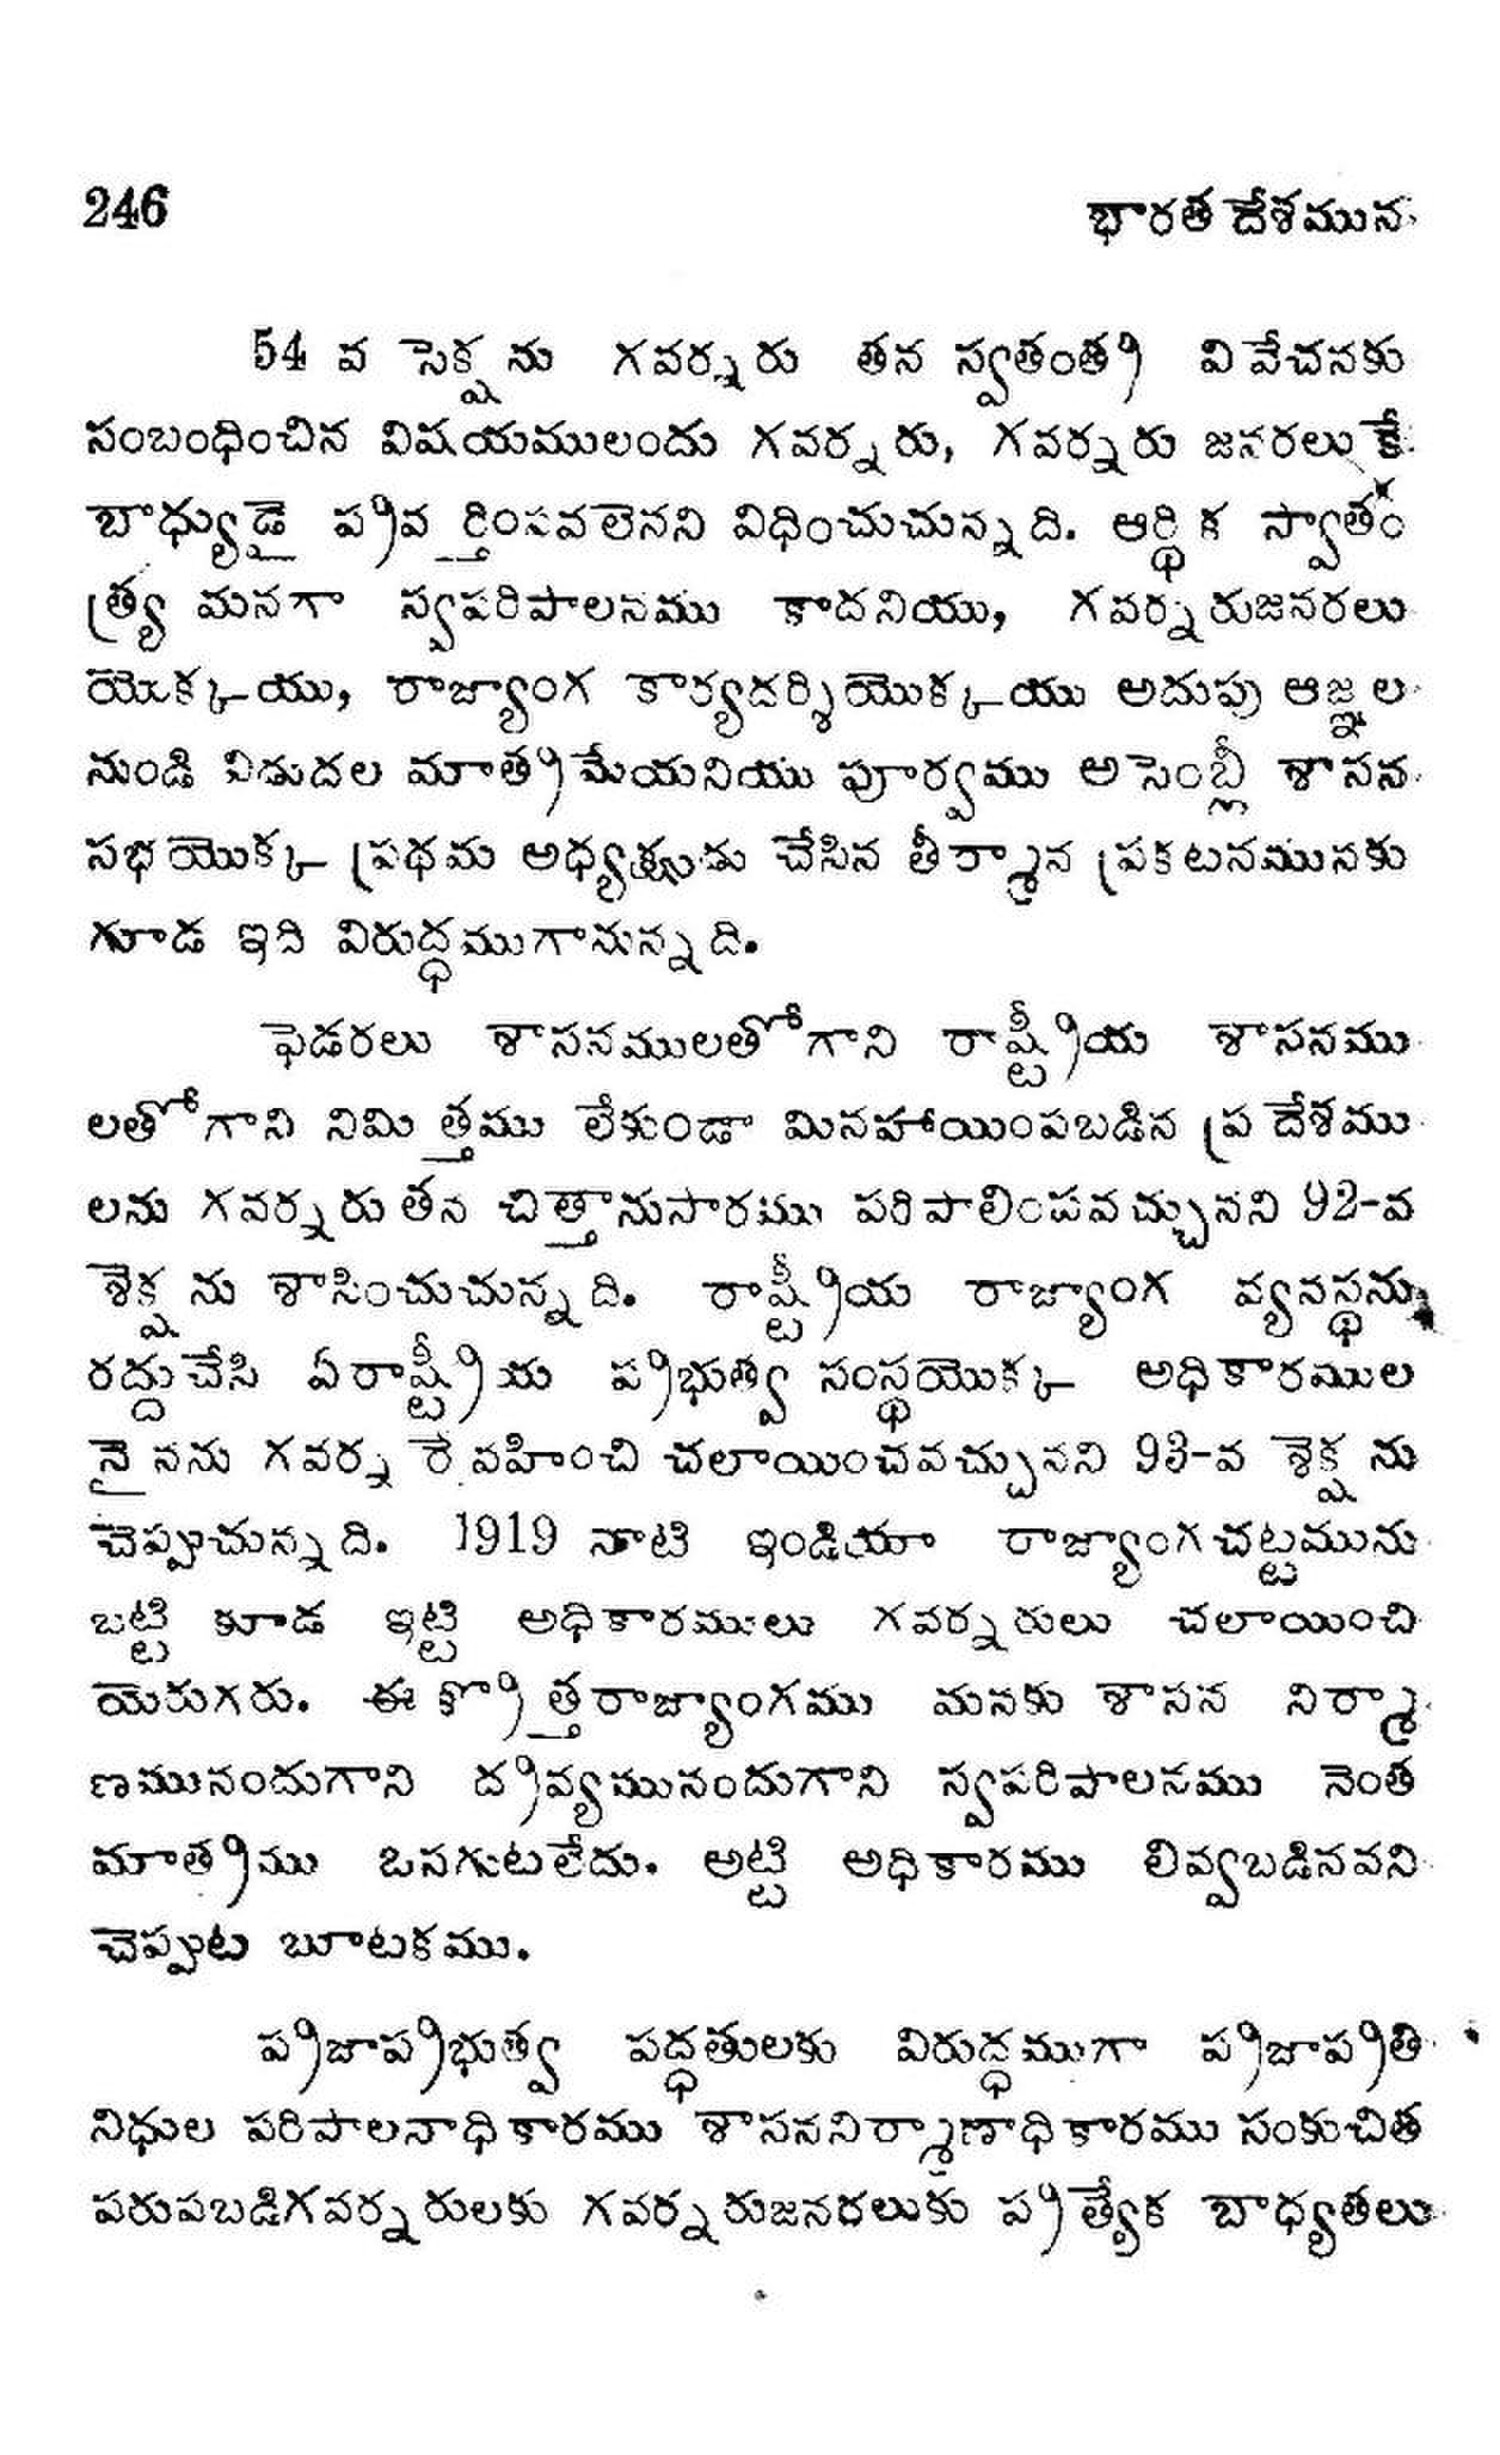54 వ సెక్షను గవర్నరు తన స్వతంత్ర వివేచనకు సంబంధించిన విషయములందు గవర్నరు, గవర్నరు జనరలుకే బాధ్యుడై ప్రవర్తింపవలెనని విధించుచున్నది. ఆర్థిక స్వాతంత్ర్య మనగా స్వపరిపాలనము కాదనియు, గవర్నరుజనరలు యొక్కయు, రాజ్యాంగ కార్యదర్శియొక్కయు అదుపు ఆజ్ఞల నుండి విడుదల మాత్రమేయనియు పూర్వము అసెంబ్లీ శాసనసభయొక్క ప్రథమ అధ్యక్షుడు చేసిన తీర్మాన ప్రకటనమునకు గూడ ఇది విరుద్ధముగానున్నది.

ఫెడరలు శాసనములతోగాని రాష్ట్రీయ శాసనములతోగాని నిమిత్తము లేకుండా మినహాయింపబడిన ప్రదేశములను గవర్నరు తన చిత్తానుసారము పరిపాలింపవచ్చునని 92-వ శెక్షను శాసించుచున్నది. రాష్ట్రీయ రాజ్యాంగ వ్యవస్థన్ను రద్దుచేసి ఏరాష్ట్రీయ ప్రభుత్వ సంస్థయొక్క అధికారములనైనను గవర్నరే వహించి చలాయించవచ్చునని 93–వ శెక్షను చెప్పుచున్నది. 1919 నాటి ఇండియా రాజ్యంగచట్టమునుబట్టి కూడ ఇట్టి అధికారములు గవర్నరులు చలాయించి
యెరుగరు. ఈ క్రొత్తరాజ్యాంగము మనకు శాసన నిర్మాణమునందుగాని ద్రవ్యమునందుగాని స్వపరిపాలనము నెంతమాత్రము ఒసగుటలేదు. అట్టి అధికారము లివ్వబడినవని చెప్పుట బూటకము.

ప్రజాప్రభుత్వ పద్ధతులకు విరుద్ధముగా ప్రజాప్రతినిధుల పరిపాలనాధికారము శాసననిర్మాణాధికారము సంకుచిత పరుపబడిగవర్నరులకు గవర్నరుజనరలుకు ప్రత్యేక బాధ్యతలు